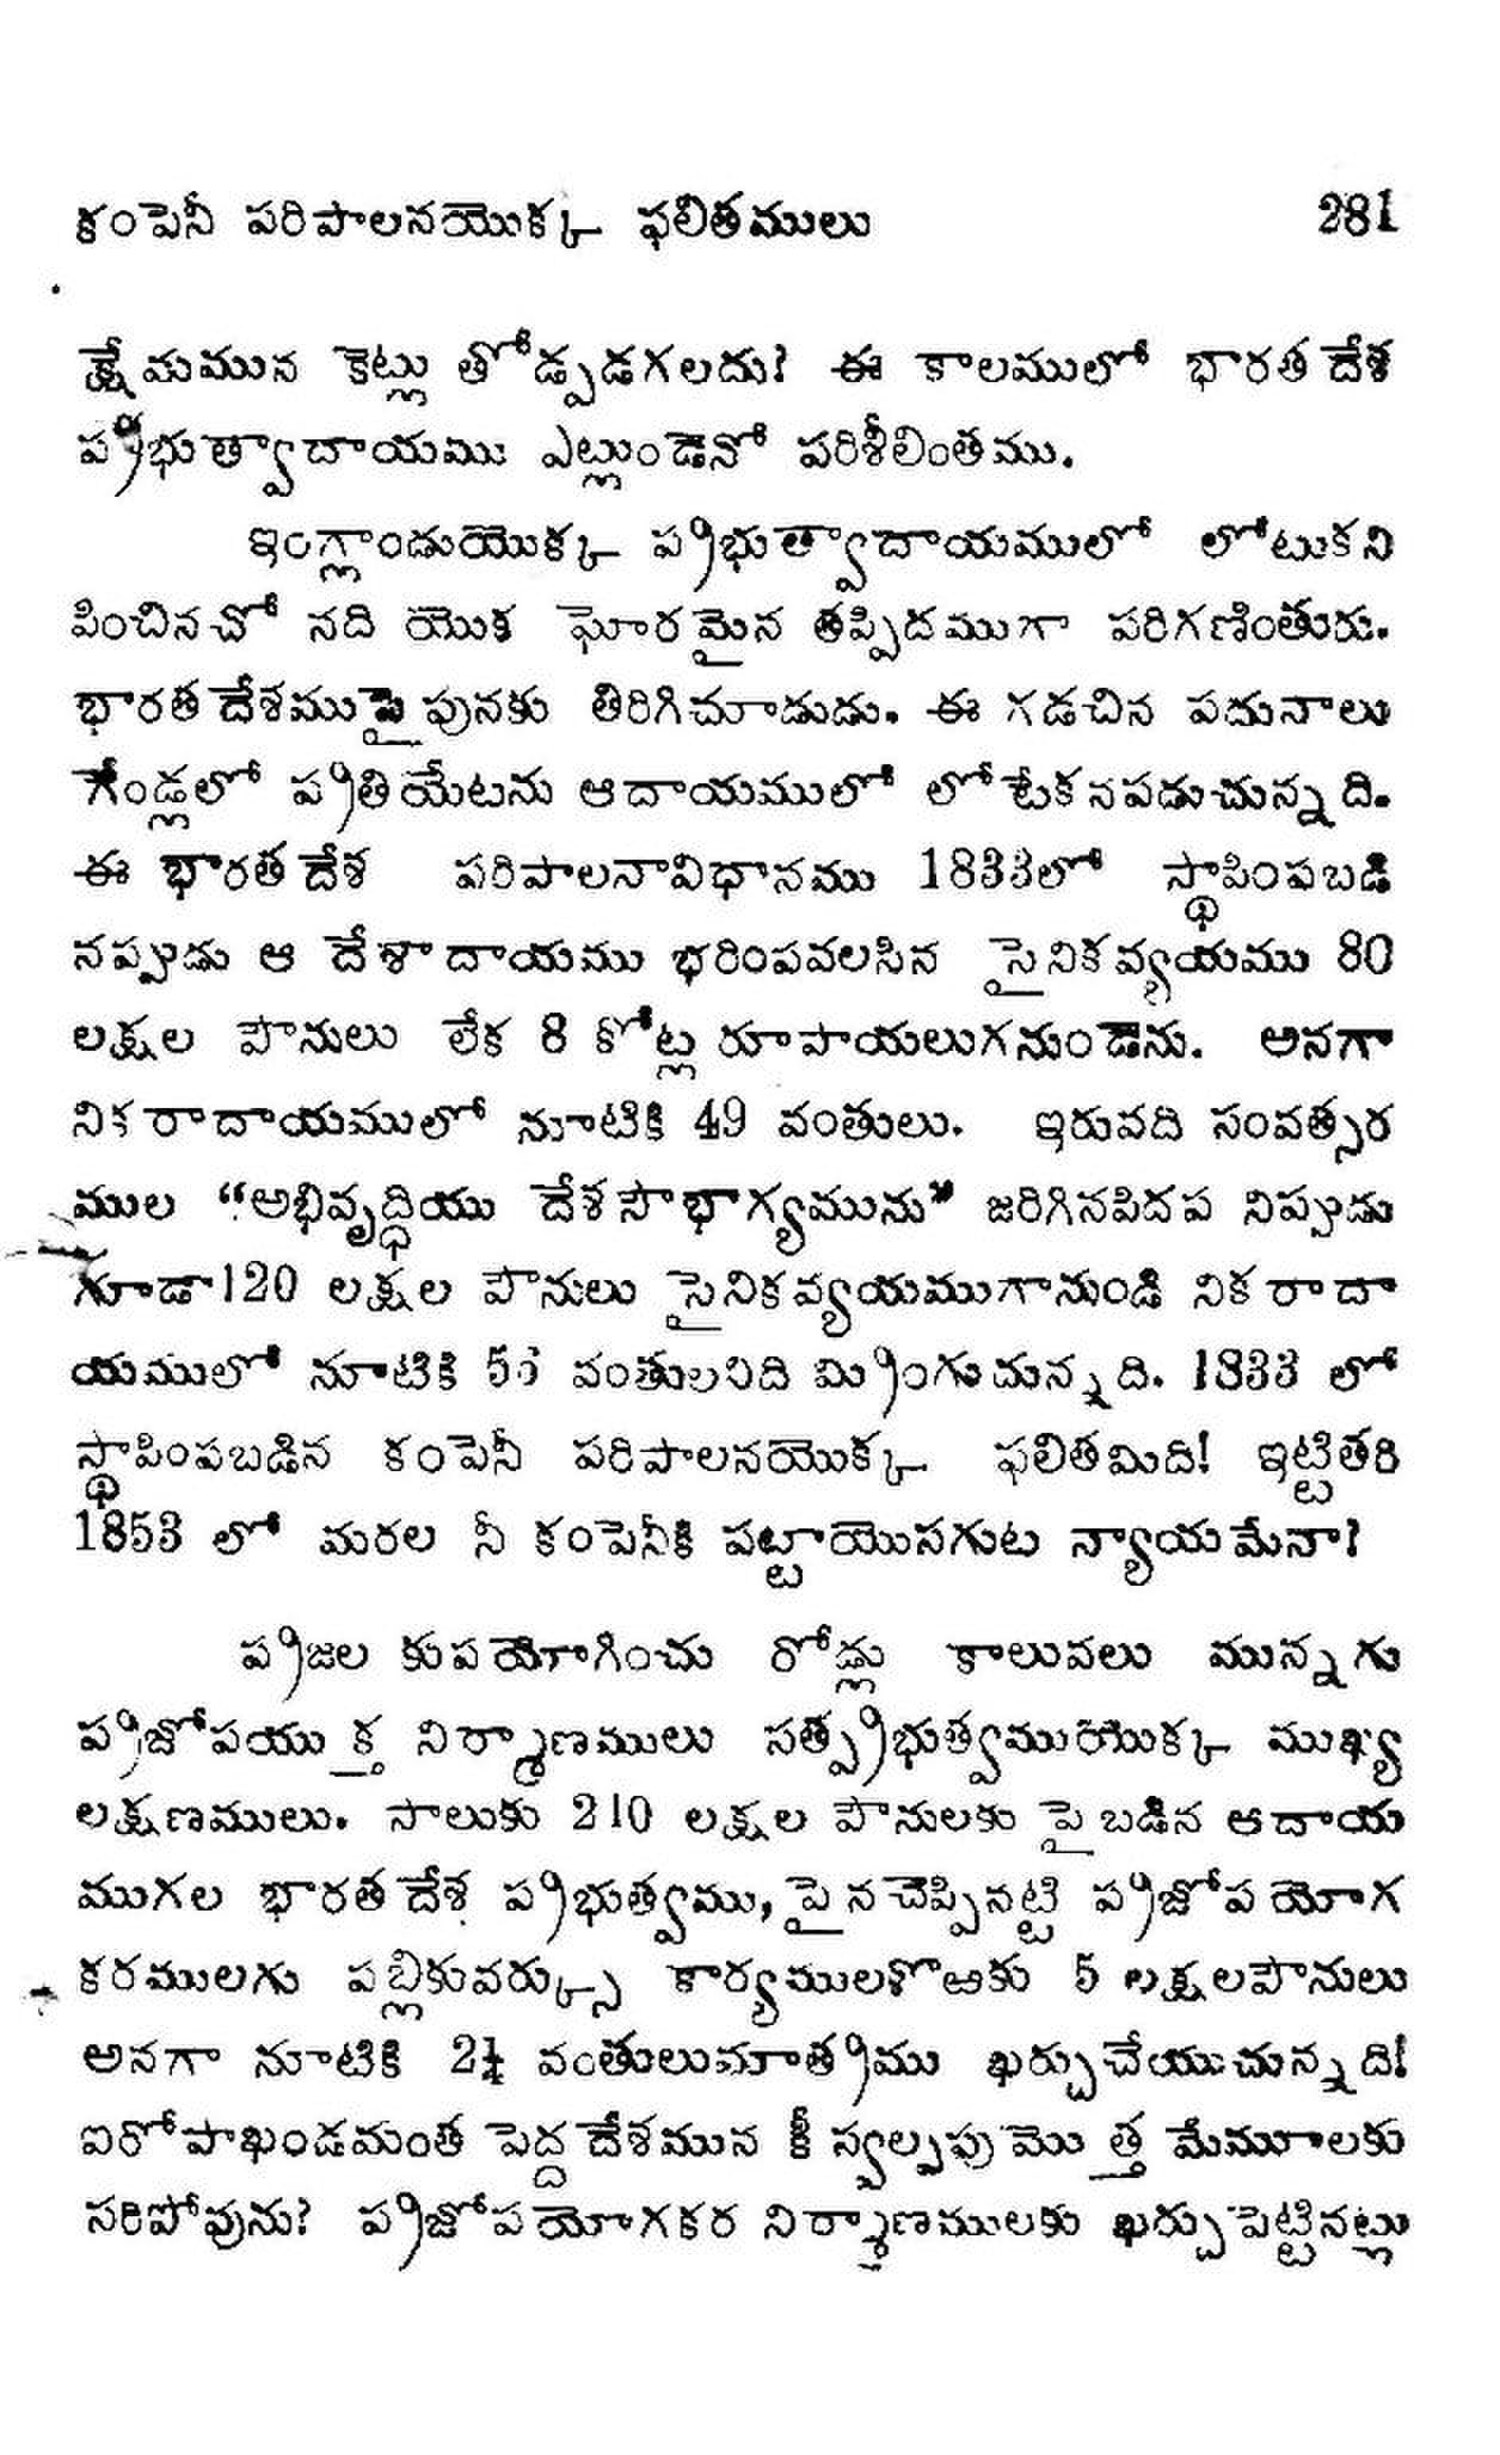క్షేమమున కెట్లు తోడ్పడగలదు? ఈ కాలములో భారతదేశ ప్రభుత్వాదాయము ఎట్లుండెనో పరిశీలింతము.

ఇంగ్లాండుయొక్క ప్రభుత్వాదాయములో లోటుకనిపించినచో నది యొక ఘోరమైన తప్పిదముగా పరిగణింతురు.
భారతదేశమువైపునకు తిరిగిచూడుడు. ఈ గడచిన పదునాలుగేండ్లలో ప్రతియేటను ఆదాయములో లోటేకనపడుచున్నది. ఈ భారతదేశ పరిపాలనావిధానము 1833లో స్థాపింపబడినప్పుడు ఆ దేశాదాయము భరింపవలసిన సైనికవ్యయము 80 లక్షల పౌనులు లేక 8 కోట్ల రూపాయలుగనుండెను. అనగా నికరాదాయములో నూటికి 49 వంతులు. ఇరువది సంవత్సరముల "అభివృద్ధియు దేశసౌభాగ్యమును" జరిగినపిదప నిప్పుడు గూడా 120 లక్షల పౌనులు సైనికవ్యయముగానుండి నికరాదాయములో నూటికి 56 వంతులనిది మ్రింగుచున్నది. 1833 లో స్థాపింపబడిన కంపెనీ పరిపాలనయొక్క ఫలితమిది! ఇట్టితరి 1853 లో మరల నీ కంపెనీకి పట్టాయొసగుట న్యాయమేనా?

ప్రజల కుపయోగించు రోడ్లు కాలువలు మున్నగు ప్రజోపయుక్త నిర్మాణములు సత్ప్రభుత్వము యొక్క ముఖ్య లక్షణములు. సాలుకు 210 లక్షల పౌనులకు పై బడిన ఆదాయముగల భారతదేశ ప్రభుత్వము, పైనచెప్పినట్టి ప్రజోపయోగకరములగు పబ్లికువర్క్సు కార్యములకొఱకు 5 లక్షలపౌనులు అనగా నూటికి 2 1/2 వంతులుమాత్రము ఖర్చుచేయుచున్నది! ఐరోపాఖండమంత పెద్దదేశమున కీ స్వల్పపుమొత్త మేమూలకు సరిపోవును? ప్రజోపయోగకర నిర్మాణములకు ఖర్చు పెట్టినట్లు